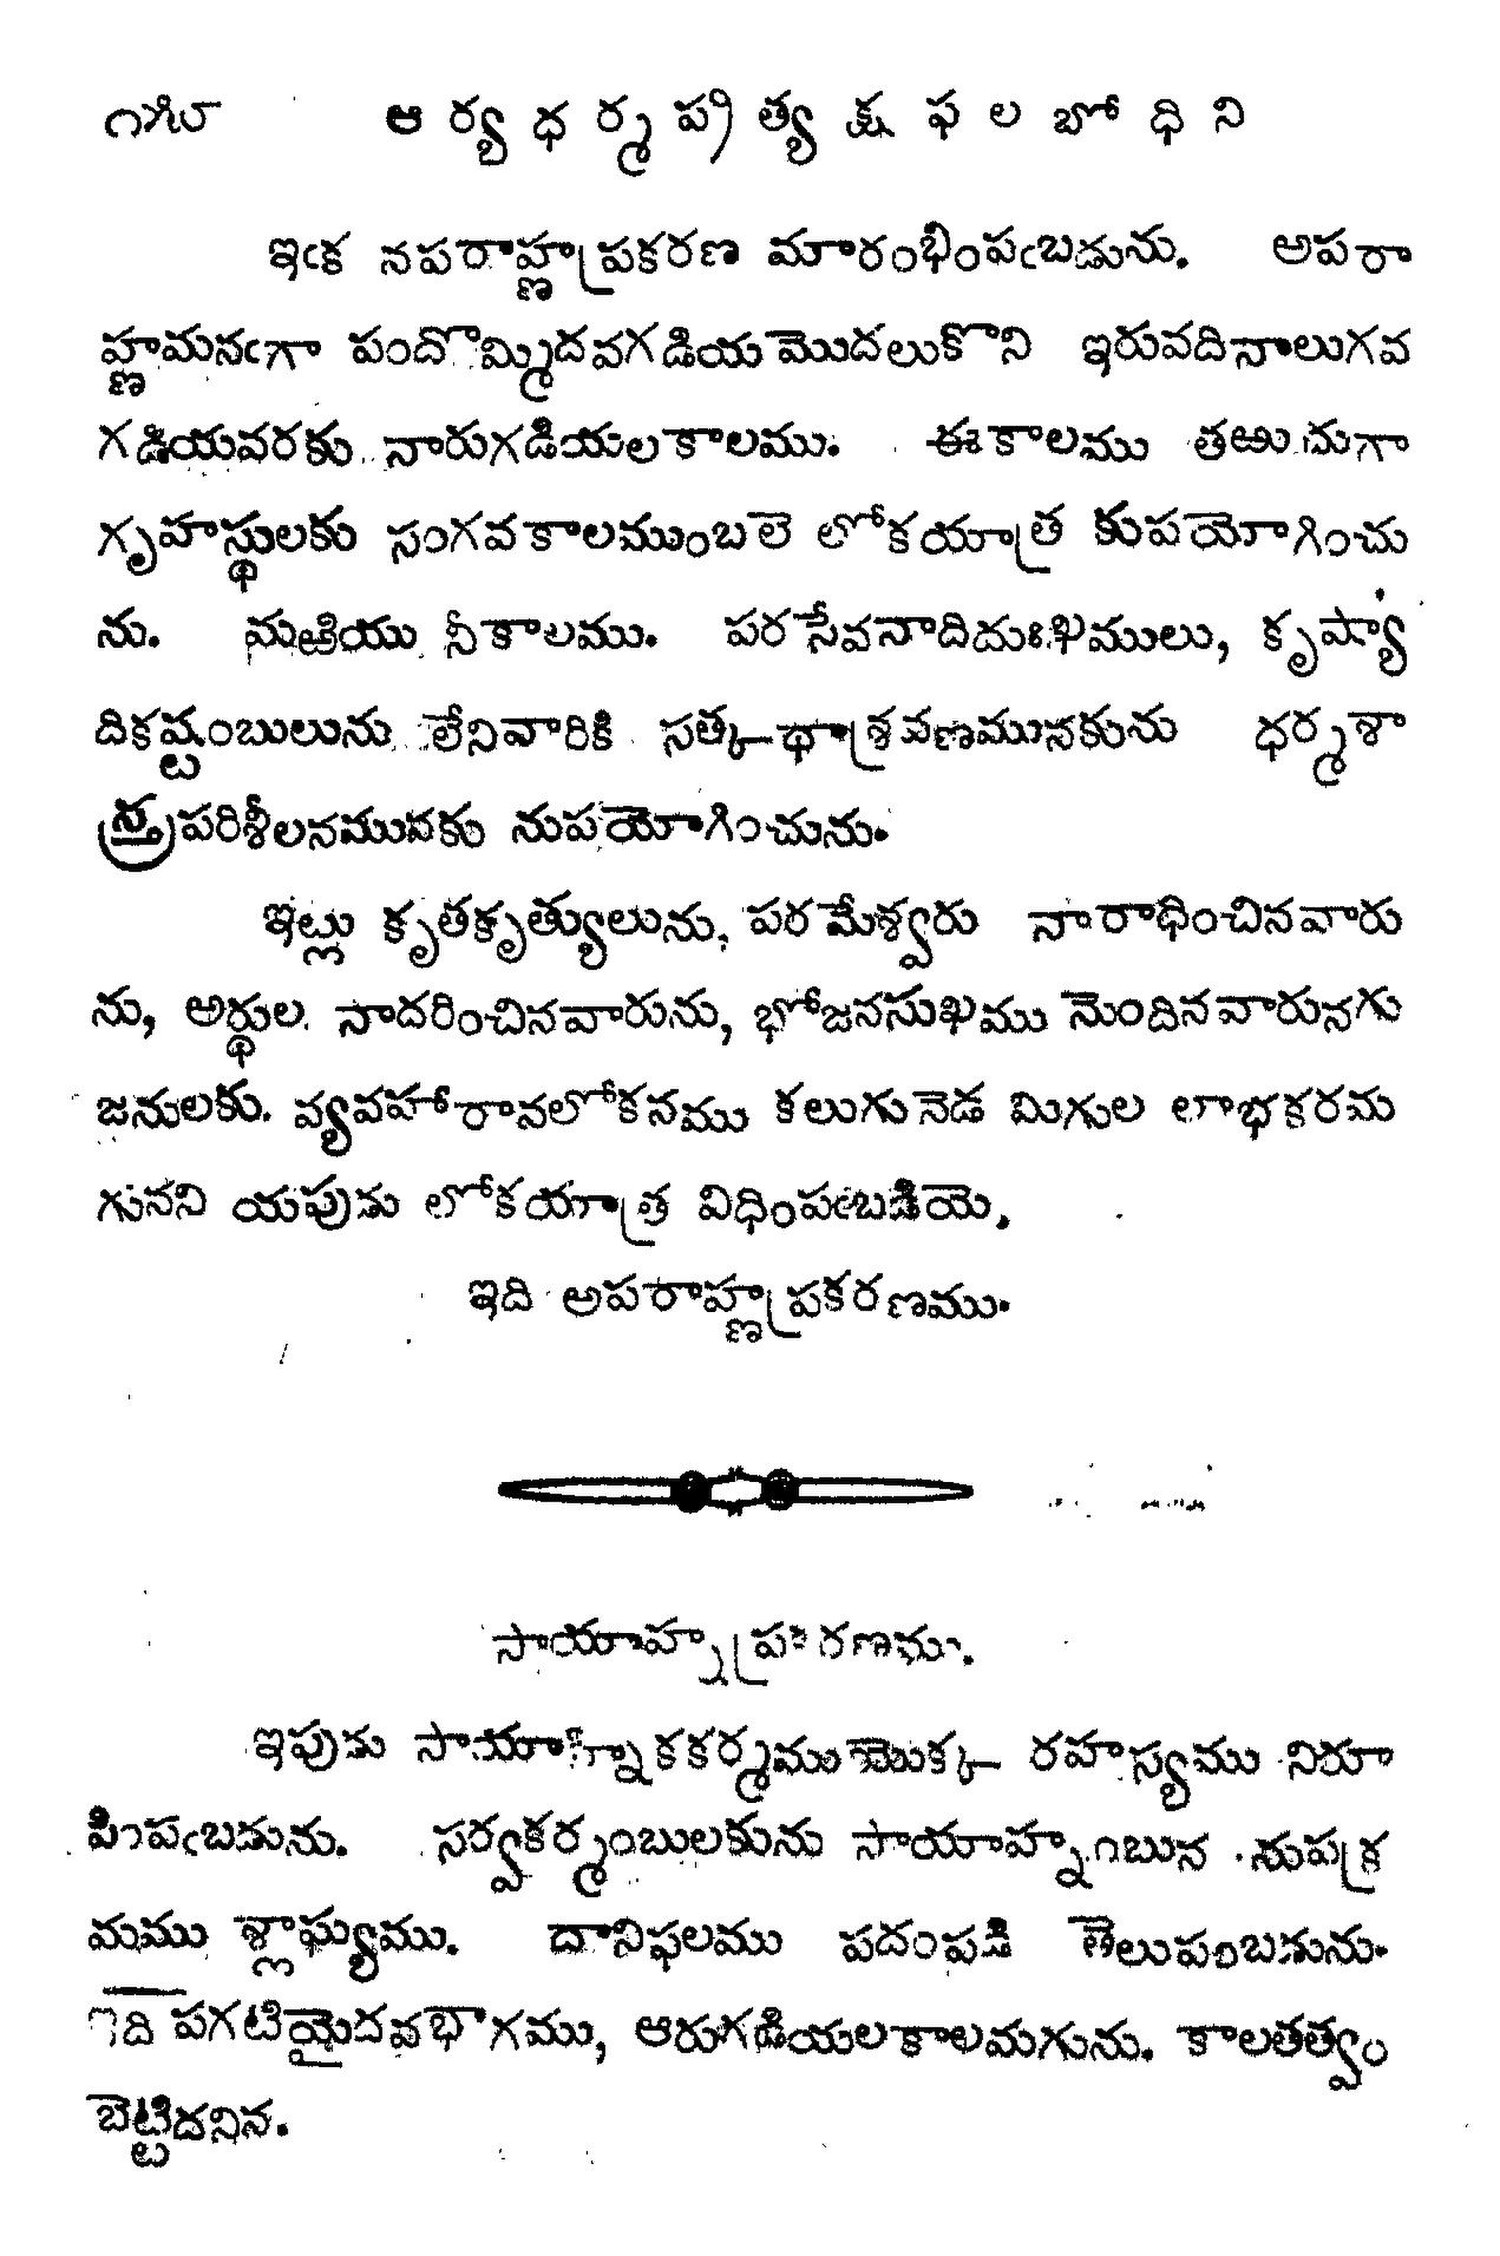ఇఁక నపరాహ్ణప్రకరణ మారంభింపఁబడును. అపరాహ్ణమనఁగా పందొమ్మిదవగడియమొదలుకొని ఇరువదినాలుగవ గడియవరకు నారుగడియలకాలము. ఈకాలము తఱుచుగా గృహస్థులకు సంగవకాలముంబలె లోకయాత్ర కుపయోగించును. మఱియు నీకాలము. పరసేవనాదిదుఃఖములు, కృష్యాదికష్టంబులును లేనివారికి సత్కథాశ్రవణమునకును ధర్మశాస్త్రపరిశీలనమునకు నుపయోగించును.

ఇట్లు కృతకృత్యులును, పరమేశ్వరు నారాధించినవారును, అర్థుల నాదరించినవారును, భోజనసుఖము నొందినవారునగు జనులకు వ్యవహారావలోకనము కలుగునెడ మిగుల లాభకరమగునని యపుడు లోకయాత్ర విధింపఁబడియె.

ఇపుడు సాయాహ్నికకర్మముయొక్క రహస్యము నిరూపింపఁబడును. సర్వకర్మంబులకును సాయాహ్నంబున నుపక్రమము శ్లాఘ్యము. దానిఫలము పదంపడి తెలుపంబడును. ఇది పగటియైదవభాగము, ఆరుగడియలకాలమగును. కాలతత్వం బెట్టిదనిన.